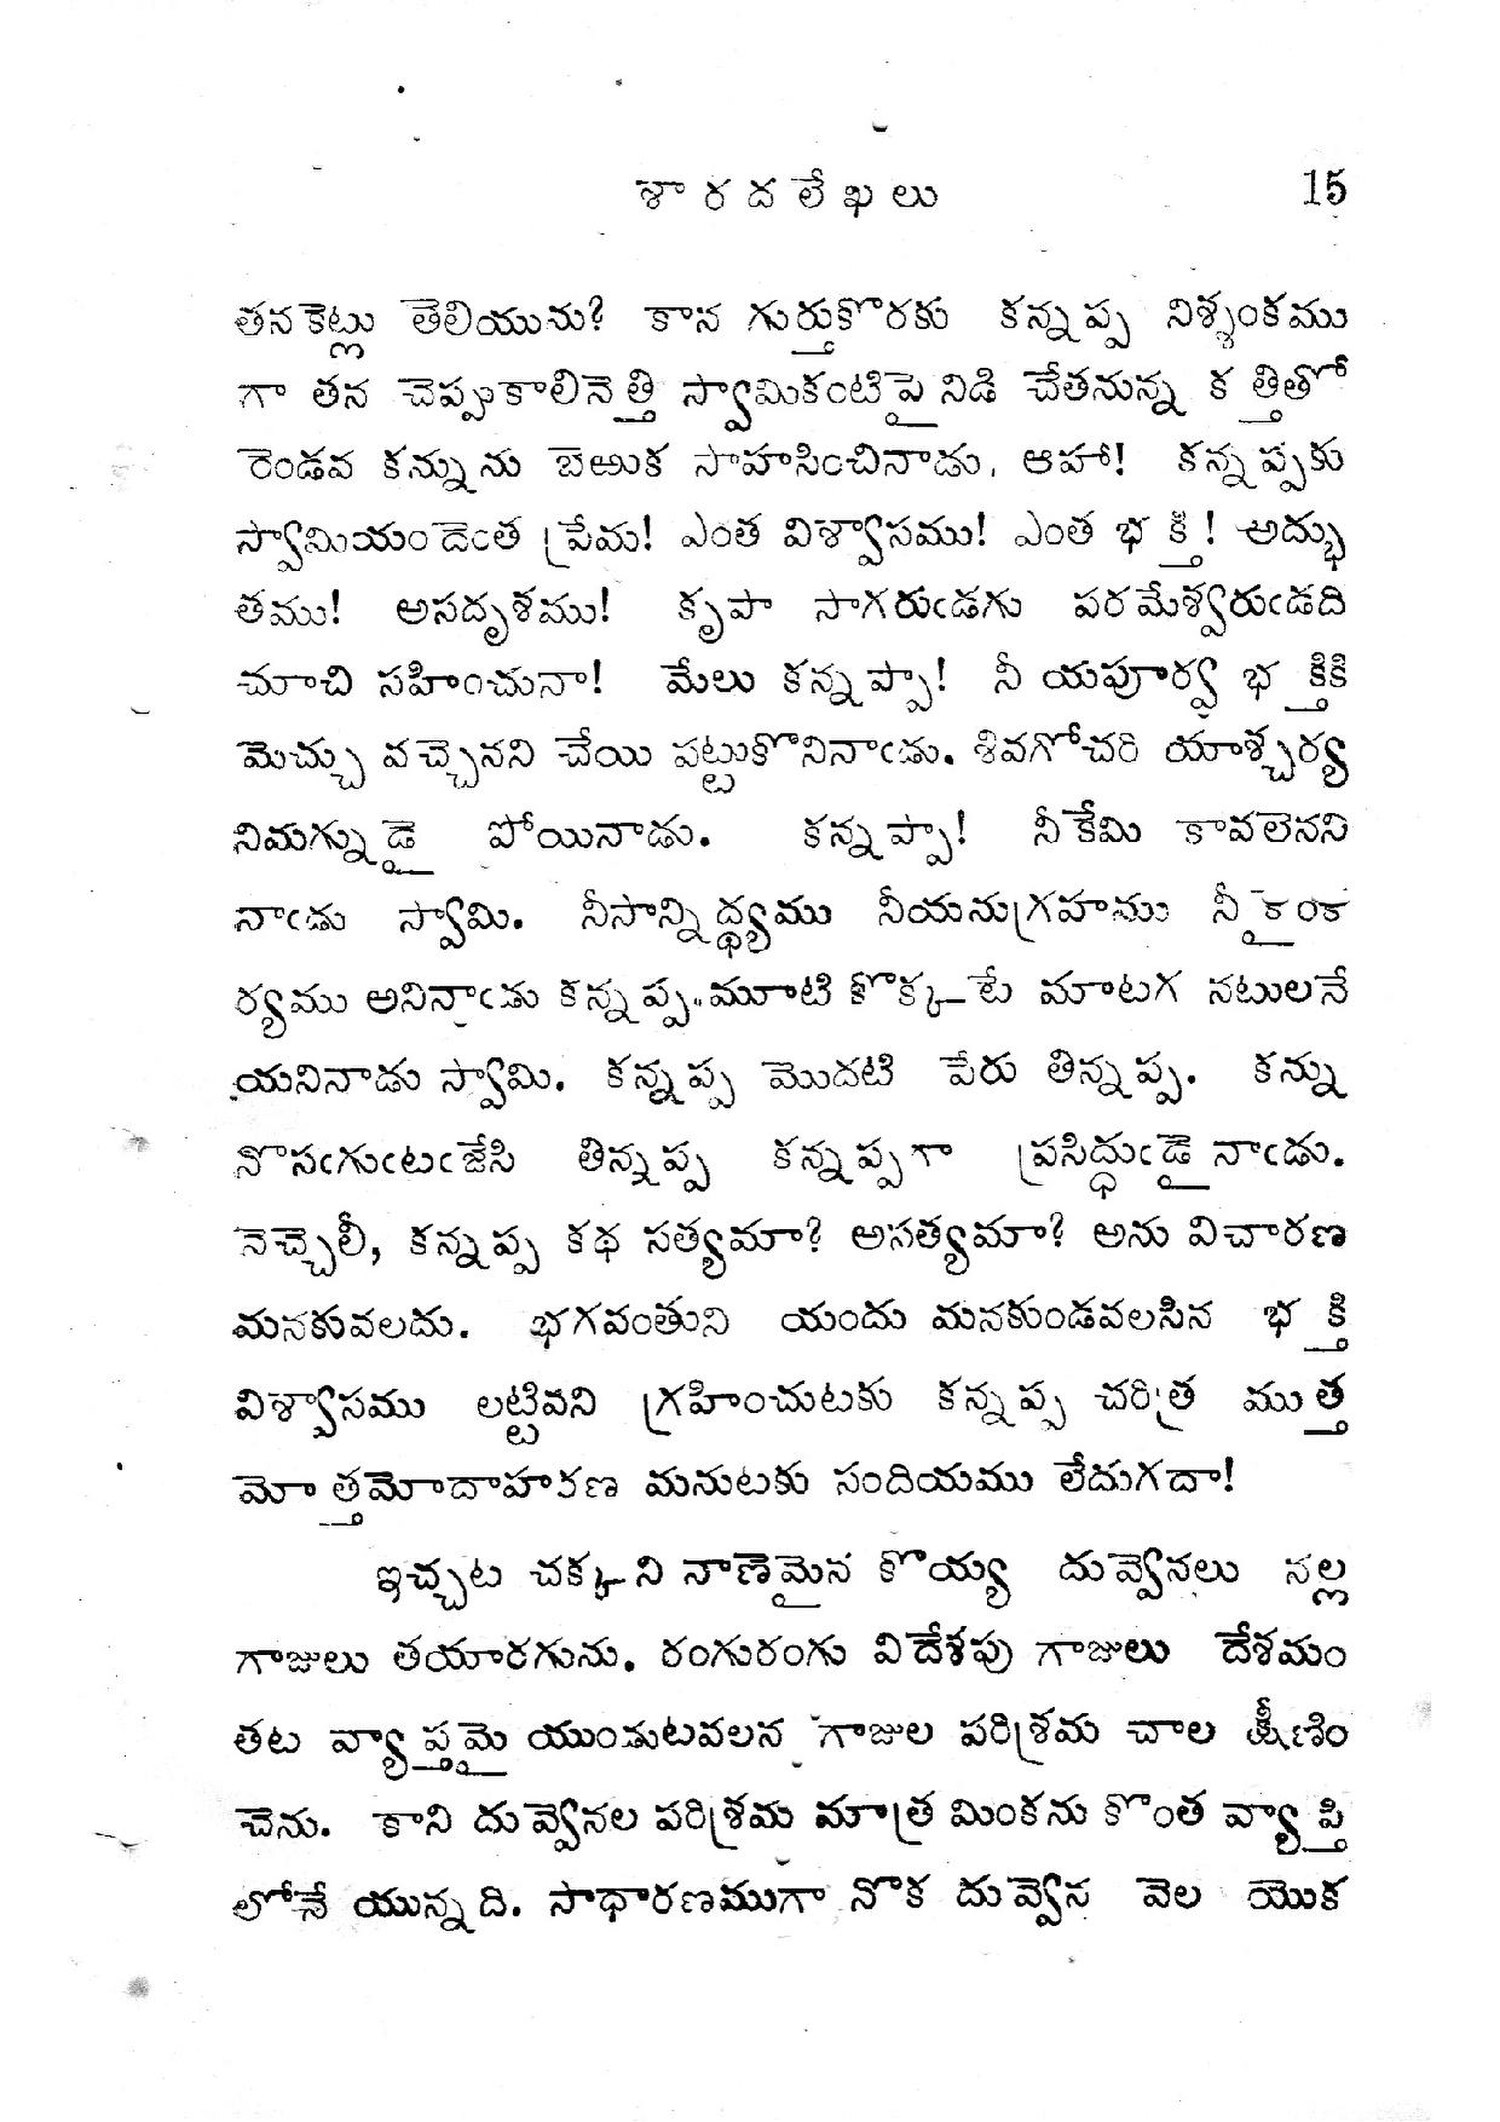తన కెట్లు తెలియును? కాన గుర్తుకొరకు కన్నప్ప నిశ్శంకముగా తన చెప్పుకాలినెత్తి స్వామికంటిపైనిడి చేతనున్న కత్తితో రెండవ కన్నును బెఱుక సాహసించినాడు. ఆహా! కన్నప్పకు స్వామియందెంత ప్రేమ! ఎంత విశ్వాసము! ఎంత భక్తి! అద్భుతము! అసదృశము! కృపా సాగరుఁడగు పరమేశ్వరుఁడది చూచి సహించునా! మేలు కన్నప్పా! నీ యపూర్వ భక్తికి మెచ్చు వచ్చెనని చేయి పట్టుకొనినాడు. శివగోచరి యాశ్చర్య నిమగ్నుడై పోయినాడు. కన్నప్పా ! నీకేమి కావలెననినాఁడు స్వామి. నీసాన్నిద్ధ్యము నీయనుగ్రహము నీకైంకర్యము అనినాఁడు కన్నప్ప. మూటి కొక్కటే మాటగ నటులనే యనినాడు స్వామి. కన్నప్ప మొదటి పేరు తిన్నప్ప. కన్ను నొసఁగుఁటఁజేసి తిన్నప్ప కన్నప్పగా ప్రసిద్ధుఁడైనాఁడు. నెచ్చెలీ, కన్నప్ప కథ సత్యమా? అసత్యమా? అను విచారణ మనకువలదు. భగవంతుని యందు మనకుండవలసిన భక్తి
విశ్వాసము లట్టివని గ్రహించుటకు కన్నప్ప చరిత్ర ముత్తమోత్తమోదాహరణ మనుటకు సందియము లేదుగదా!

ఇచ్చట చక్కని నాణెమైన కొయ్య దువ్వెనలు నల్లగాజులు తయారగును. రంగురంగు విదేశపు గాజులు దేశమంతట వ్యాప్తమై యుండుటవలన గాజుల పరిశ్రమ చాల క్షీణించెను. కాని దువ్వెనల పరిశ్రమ మాత్ర మింకను కొంత వ్యాప్తిలోనే యున్నది. సాధారణముగా నొక దువ్వెన వెల యొక